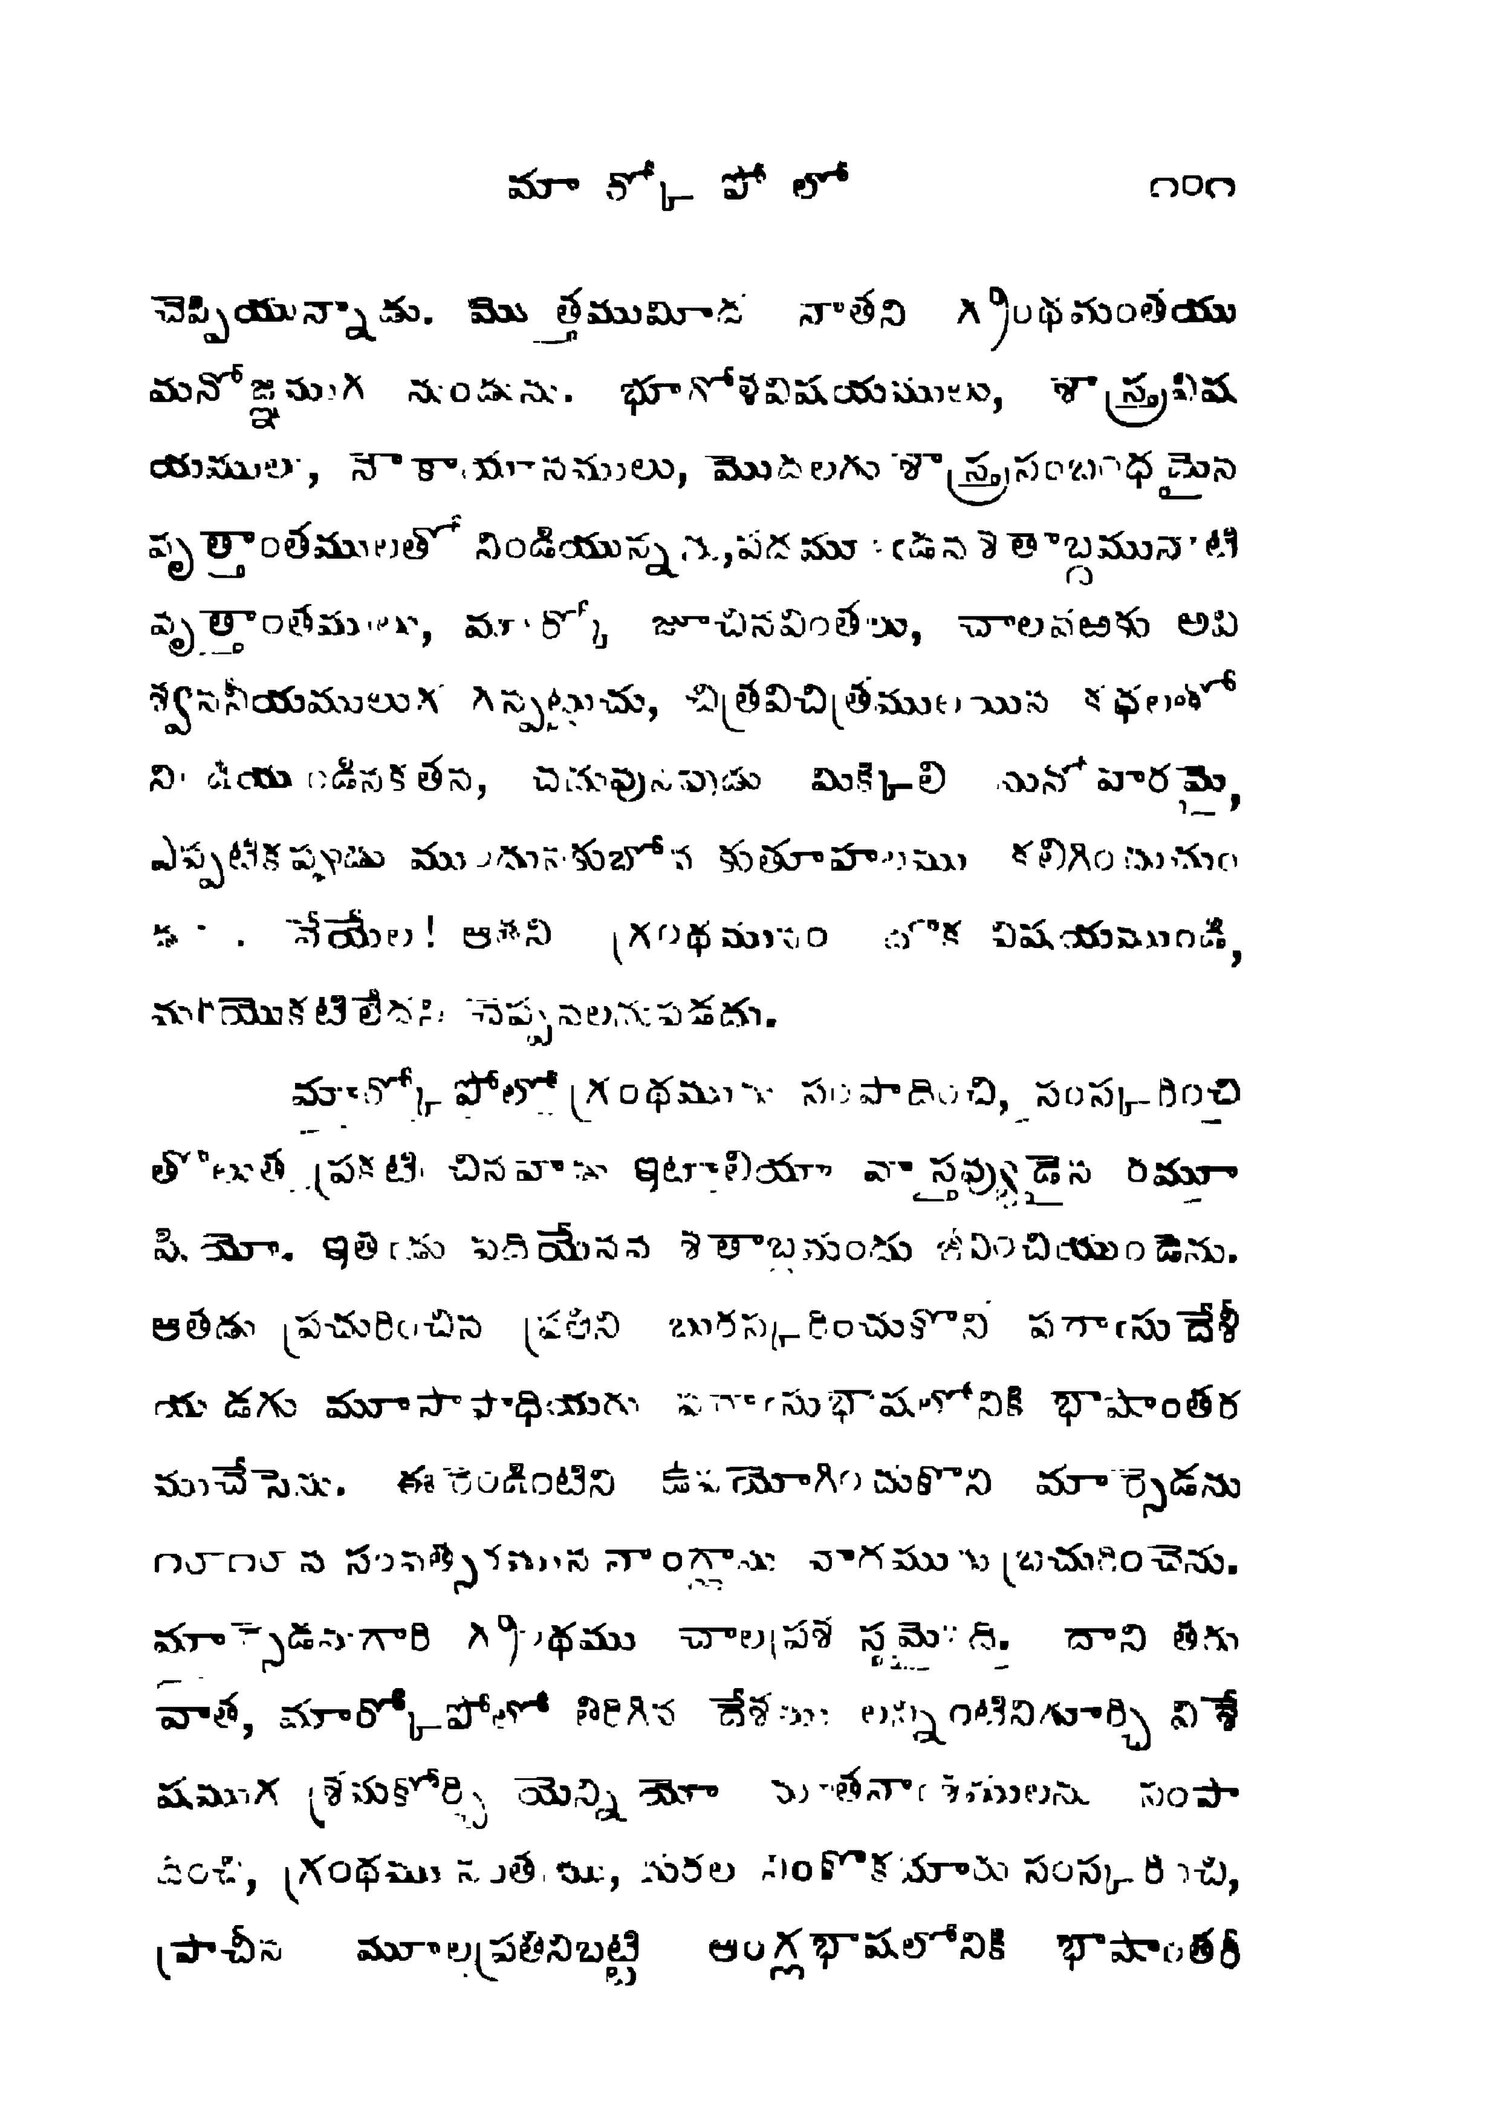చెప్పియున్నాడు. మొత్తముమీద నాతని గ్రంథమంతయు మనోజ్ఞముగ నుండును. భూగోళవిషయములు, శాస్త్రవిషయముల, నౌకాయానములు, మొదలగు శాస్త్రసంబంధమైన వృత్తాంతములతో నిండియున్నను, పదమూడవ శతాబ్దమునాటి వృత్తాంతములు, మార్కో జూచినవింతలు, చాలవఱకు అవిశ్వసనీయములుగ గన్పట్టుచు, చిత్రవిత్రములయిన కధలతో నిండియుండినకతని, చదువునపుడు మిక్కిలి మనోహరమై ఎప్పటికప్పుడు ముందునకుబోవ కుతూహలము కలిగించుచుండును. వేయేల! ఆతని గ్రంథమునం దొక విషయముండి, మరియొకటిలేదని చెప్పవలనుపడదు.

మార్కోపోలో గ్రంథమును సంపాదించి, సంస్కరించి తొలుత ప్రకటించినవాడు ఇటాలియా వాస్తవ్యుడైన రిమూషియో. ఇతడు పదియేనవ శతాబ్దమందు జీవించియుండెను. ఆతడు ప్రచురించిన ప్రతిని బురస్కరించుకొని పగా సుదేశీయ డగు మూసాపాధియగు పగా సుభాషలోనికి భాషాంతరముచేసెను. ఈరెండిటిని ఉపయోగించుకొని మార్సెడను 1818 వ సంవత్సరమున నాంగ్లాను వాదమును బ్రచురించెను. మార్సెడనుగారి గ్రంథము చాలప్రశస్తమైనది. దాని తరువాత, మార్కోపోలో తిరిగిన దేశము లన్నింటినిగూర్చి విశేషముగ శ్రమకోర్చి యెన్నియో నూతనాంశములను సంపాదించి, గ్రంథమునంతయు, మరల నింకొకమారు సంస్కరించి, ప్రాచీన మూలప్రతినిబట్టి ఆంగ్లభాషలోనికి భాషాంతరీ